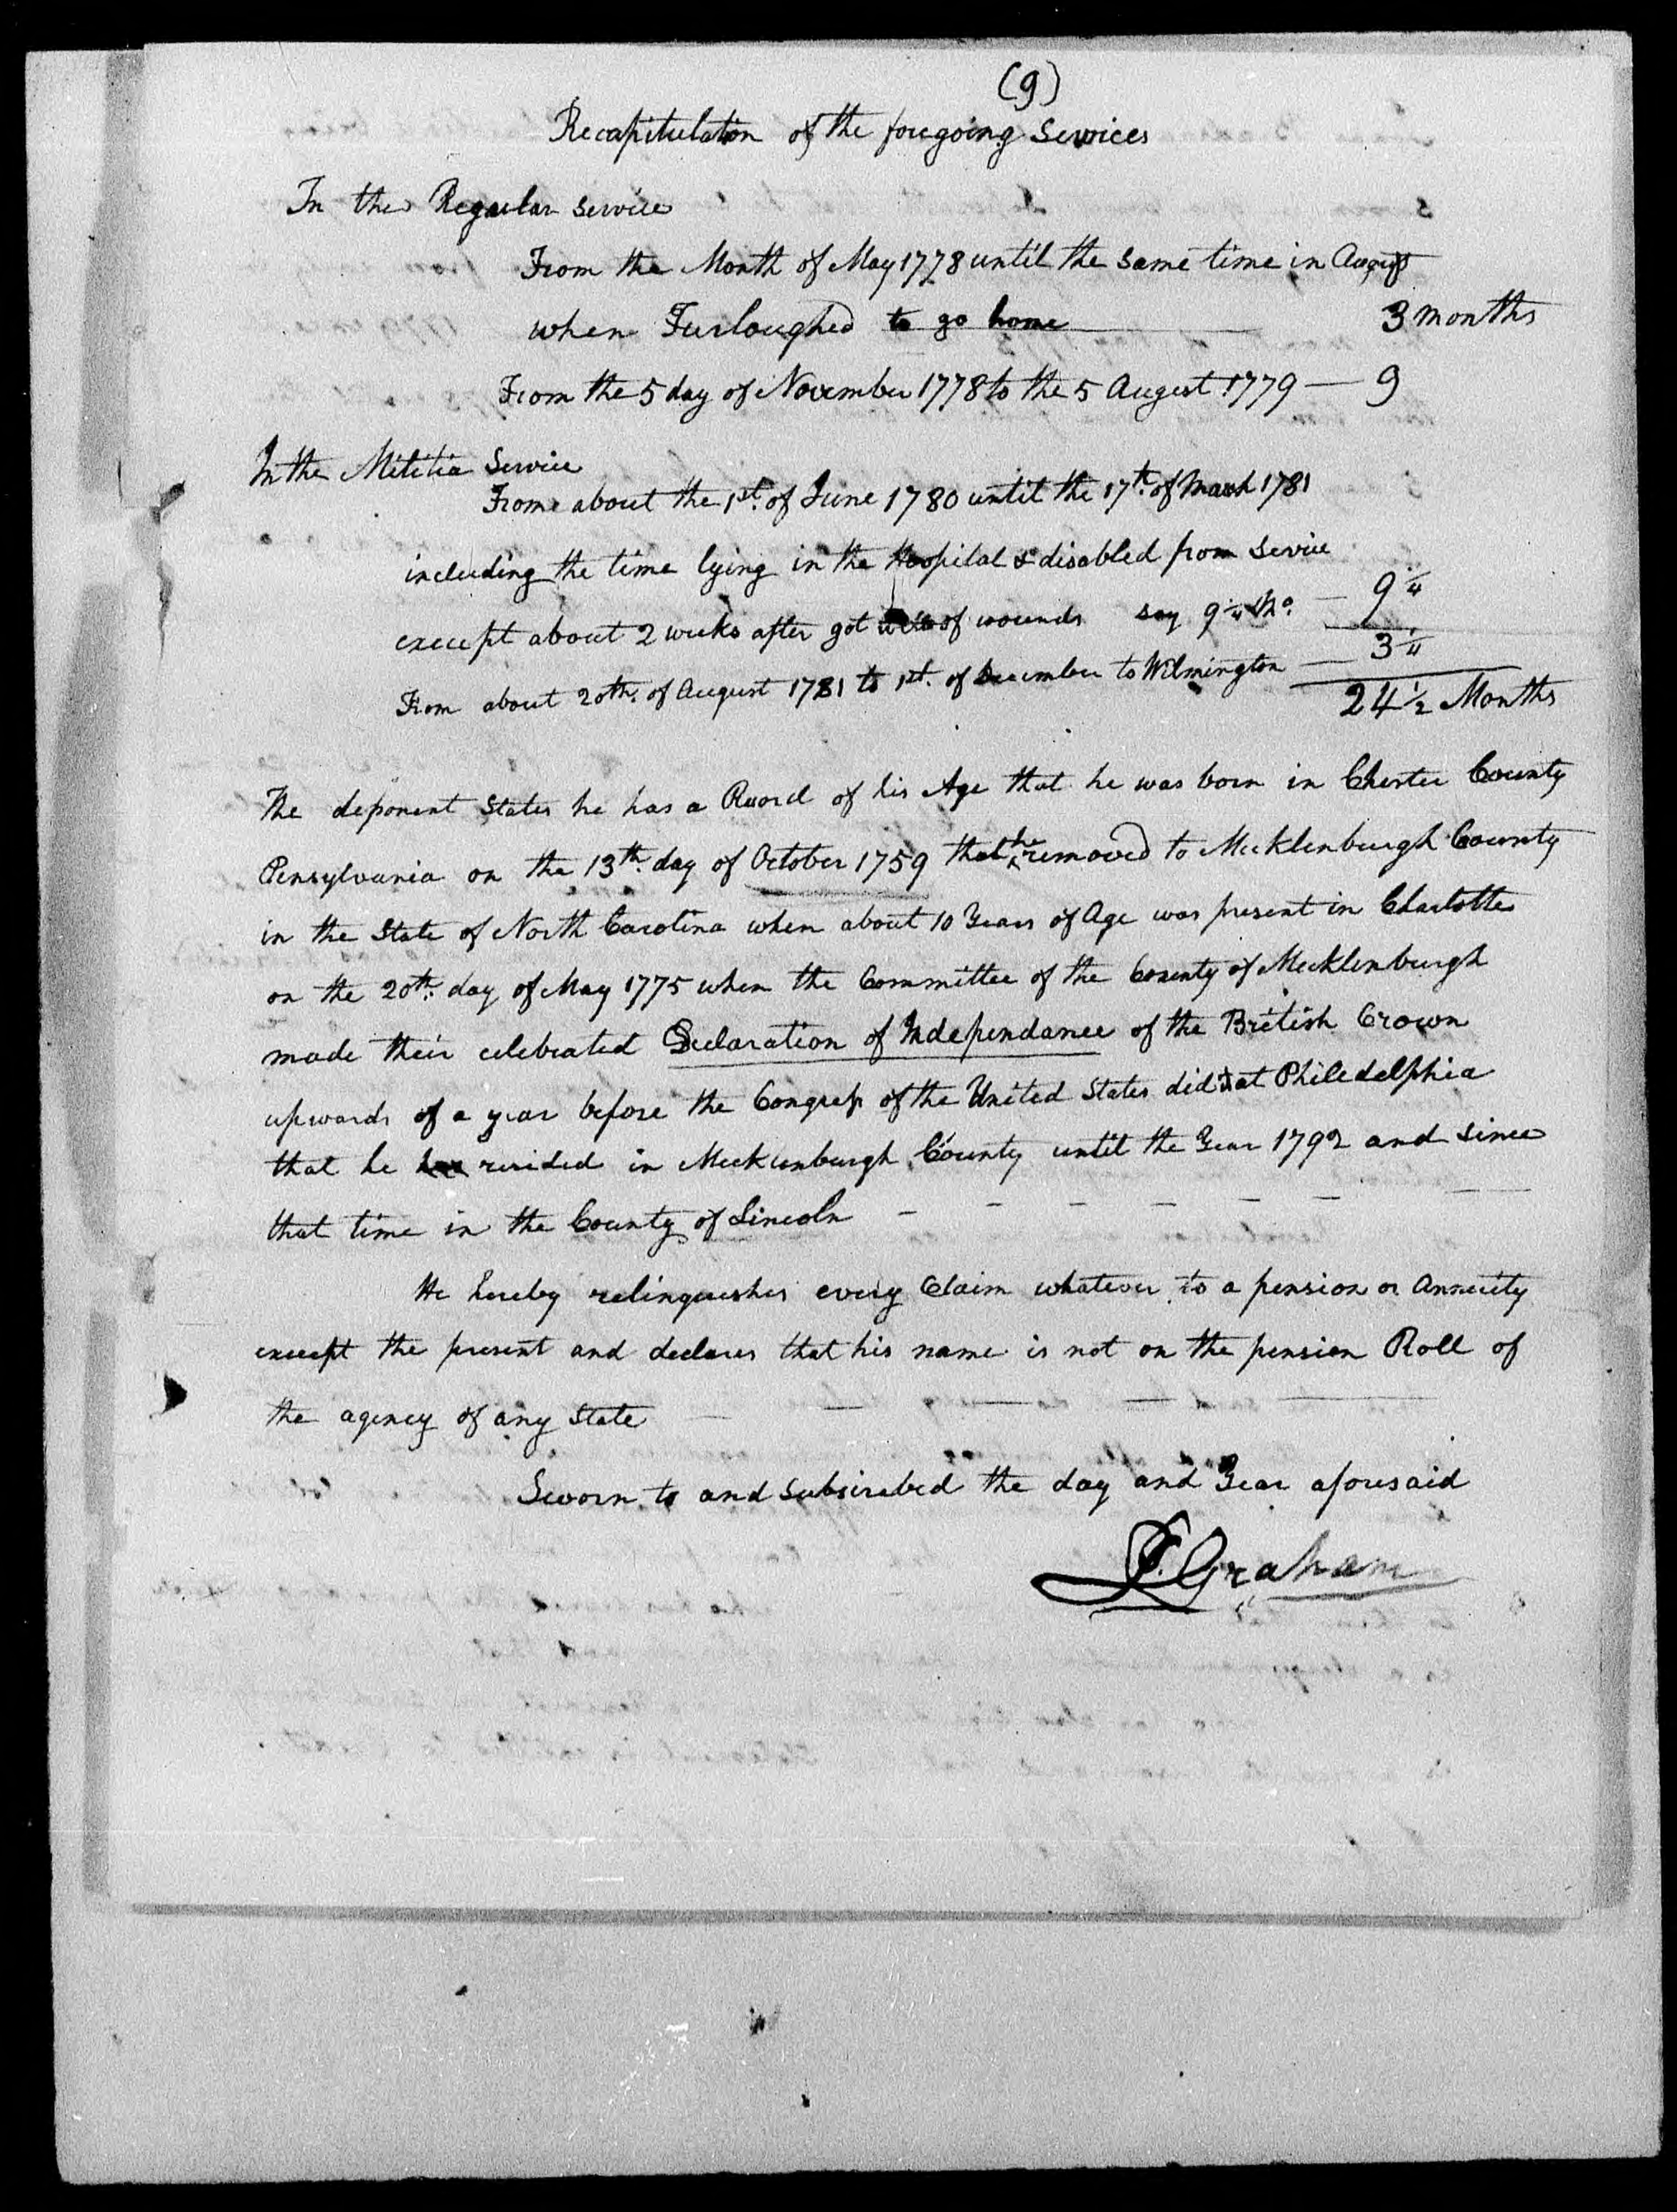(9)
Reconstitution of the Foregoing Services

In the Regular Service

From the Month of May 1778 until the same time in August when Furloughed to go home------------------------------------------------ 3 mos
From the 5 day of November 1778 to the 5 August 1779 ------------------------ 9 mos

In the Militia Service

From about the 1st of June 1780 until the 7 of March 1781 including the time lying in the Hospital & disabled from servcie except about 2 weeks after got well of wounds say 
---------------------------------------9 mos 7 days
From about 20th of August 1781 to 1st of December to Wilmington ----------3 mos 7 days
Total ------------------------------24 mos 14 days

The deponent states he has a record of his Age that he was born in Chester County Pennsylvania on the 13th day of October 1759 that he removed to Mecklenburgh County in the State of North Carolina when about 1 years of age was present in Charlotte on the 20th day of May 1775 when the Committee of the County of Mecklenburgh made their celebrated Declaration of Independence of the British Crown upwards of a year before the Congress of the United States did at Philadelphia that he resided in Mecklenburgh County until the year 1792 and since that time in the County of Lincoln -----------------------
He hereby relinquishes every claim whatever to a pension or annuity except the present and declares that his name is not on the pension Roll of the Agency of any State -----------------
Sworn to and Subscribed the day and year aforesaid.
J. Graham
[Signature]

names: J Graham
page: 4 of 55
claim: survivor's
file: S. 6,937, Joseph Graham, N.C.